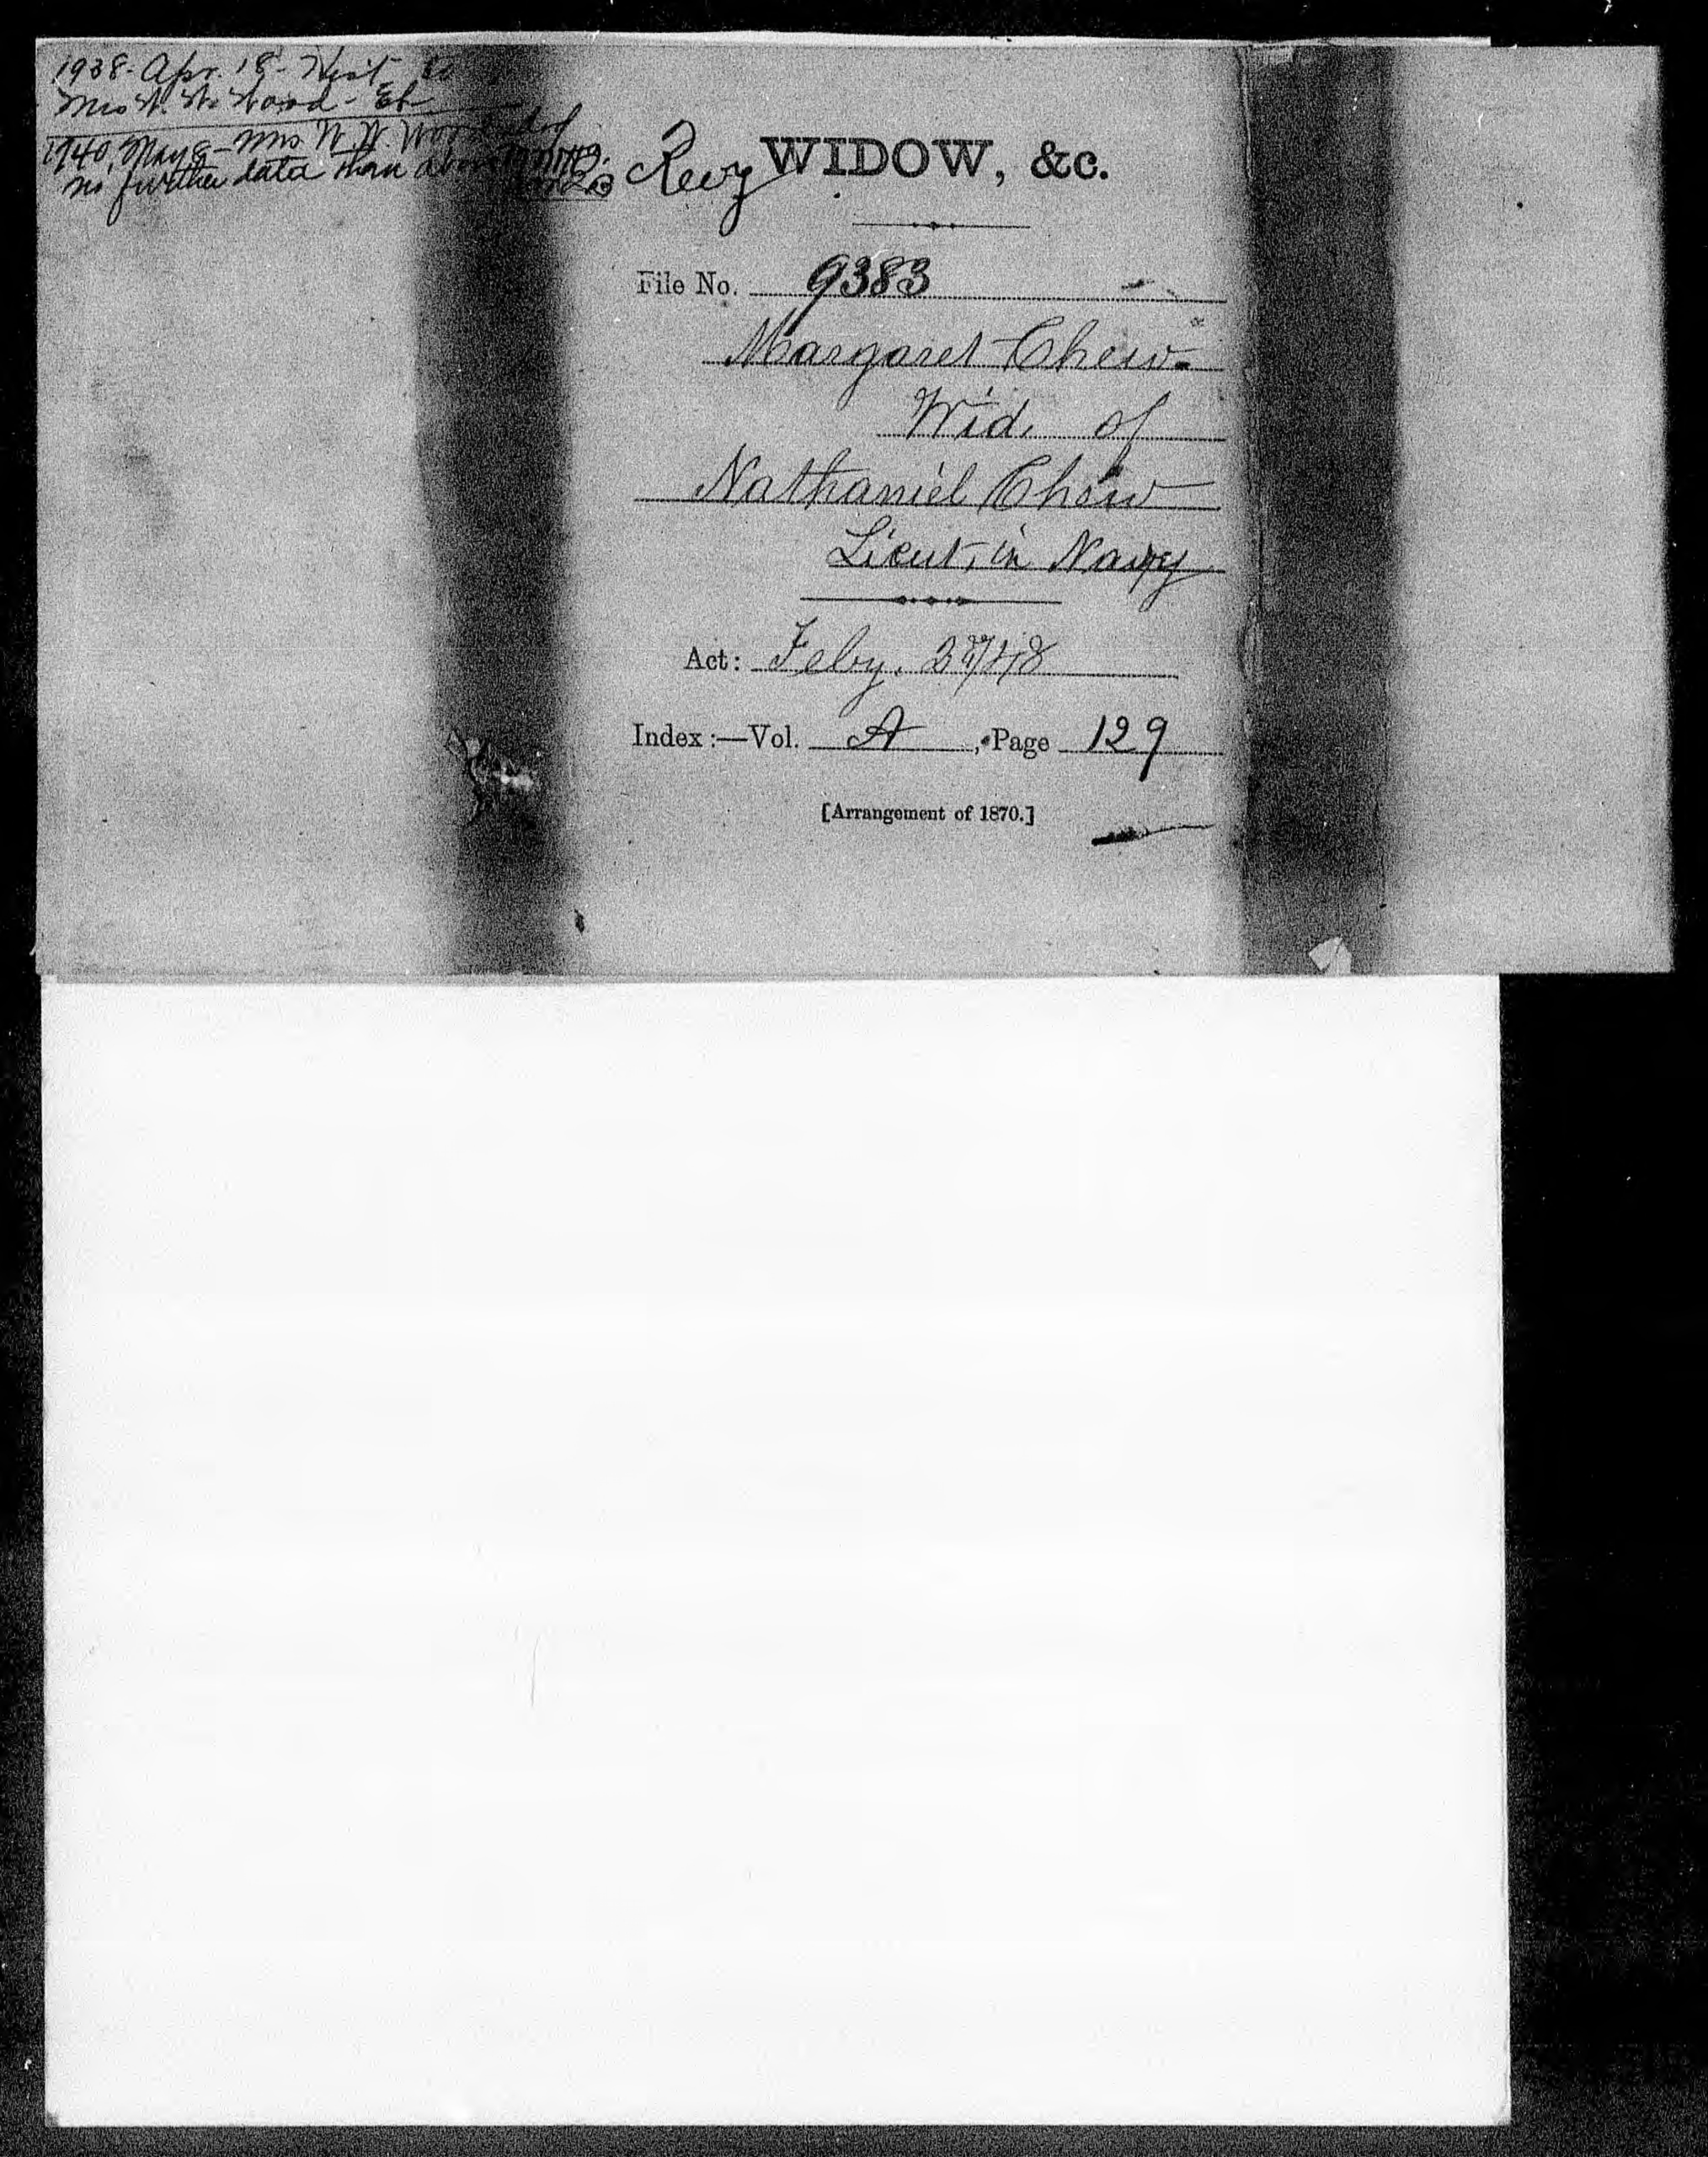[handwritten on pre-printed form]
1938 - Apr. 18 - Hist to Mrs. W. W. Wood - Eb
1940, May 8 - Mrs. W. W. Wood [illegible] no further data than [illegible]

WIDOW, & C.
File No. 9383
Margaret Chew. Wid of Nathaniel Chew Lieut, in Navy
Act: Feby 2/48
Index: - Vol A, Page 129
[Arrangement of 1870]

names: Margaret Chew, W W Wood, Nathaniel Chew, W W Wood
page: 39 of 59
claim: widow's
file: W. 9383, Nathaniel Chew, Navy (Md.)